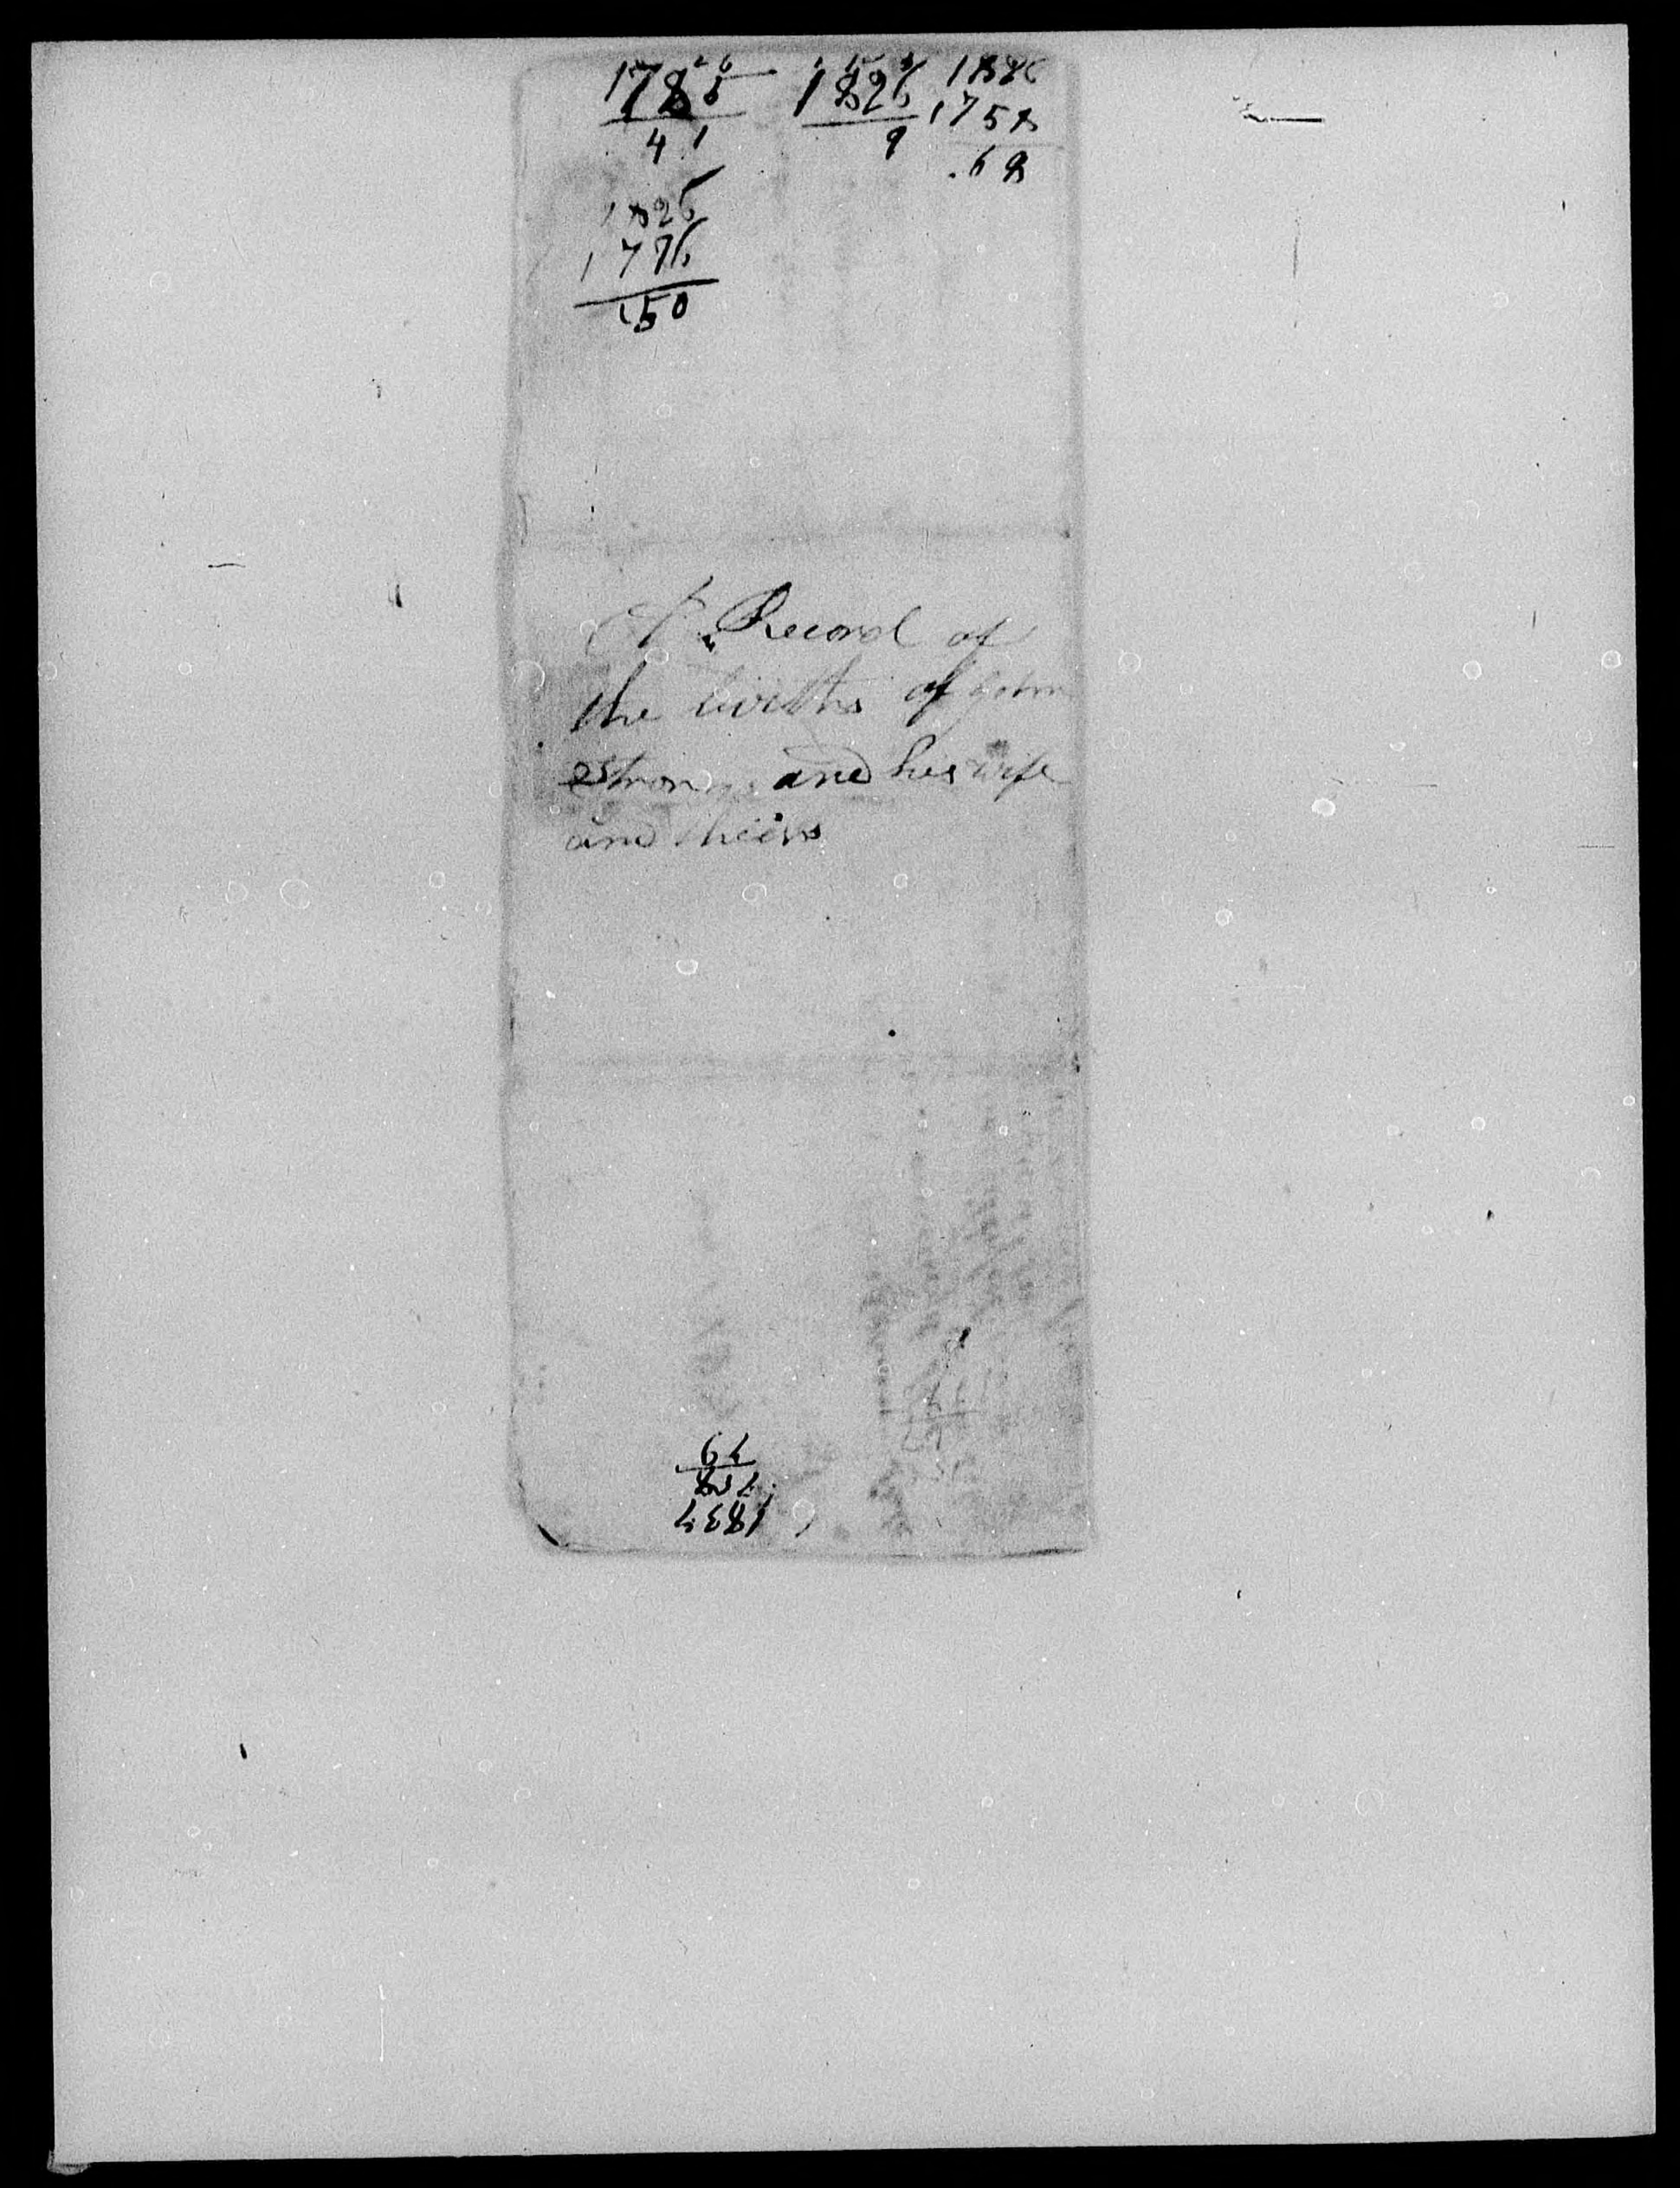[various lines of addition]

A Record of the births of John Strong and his wife and theirs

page: 14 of 33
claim: widow's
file: W. 4592, for John Strong, New York